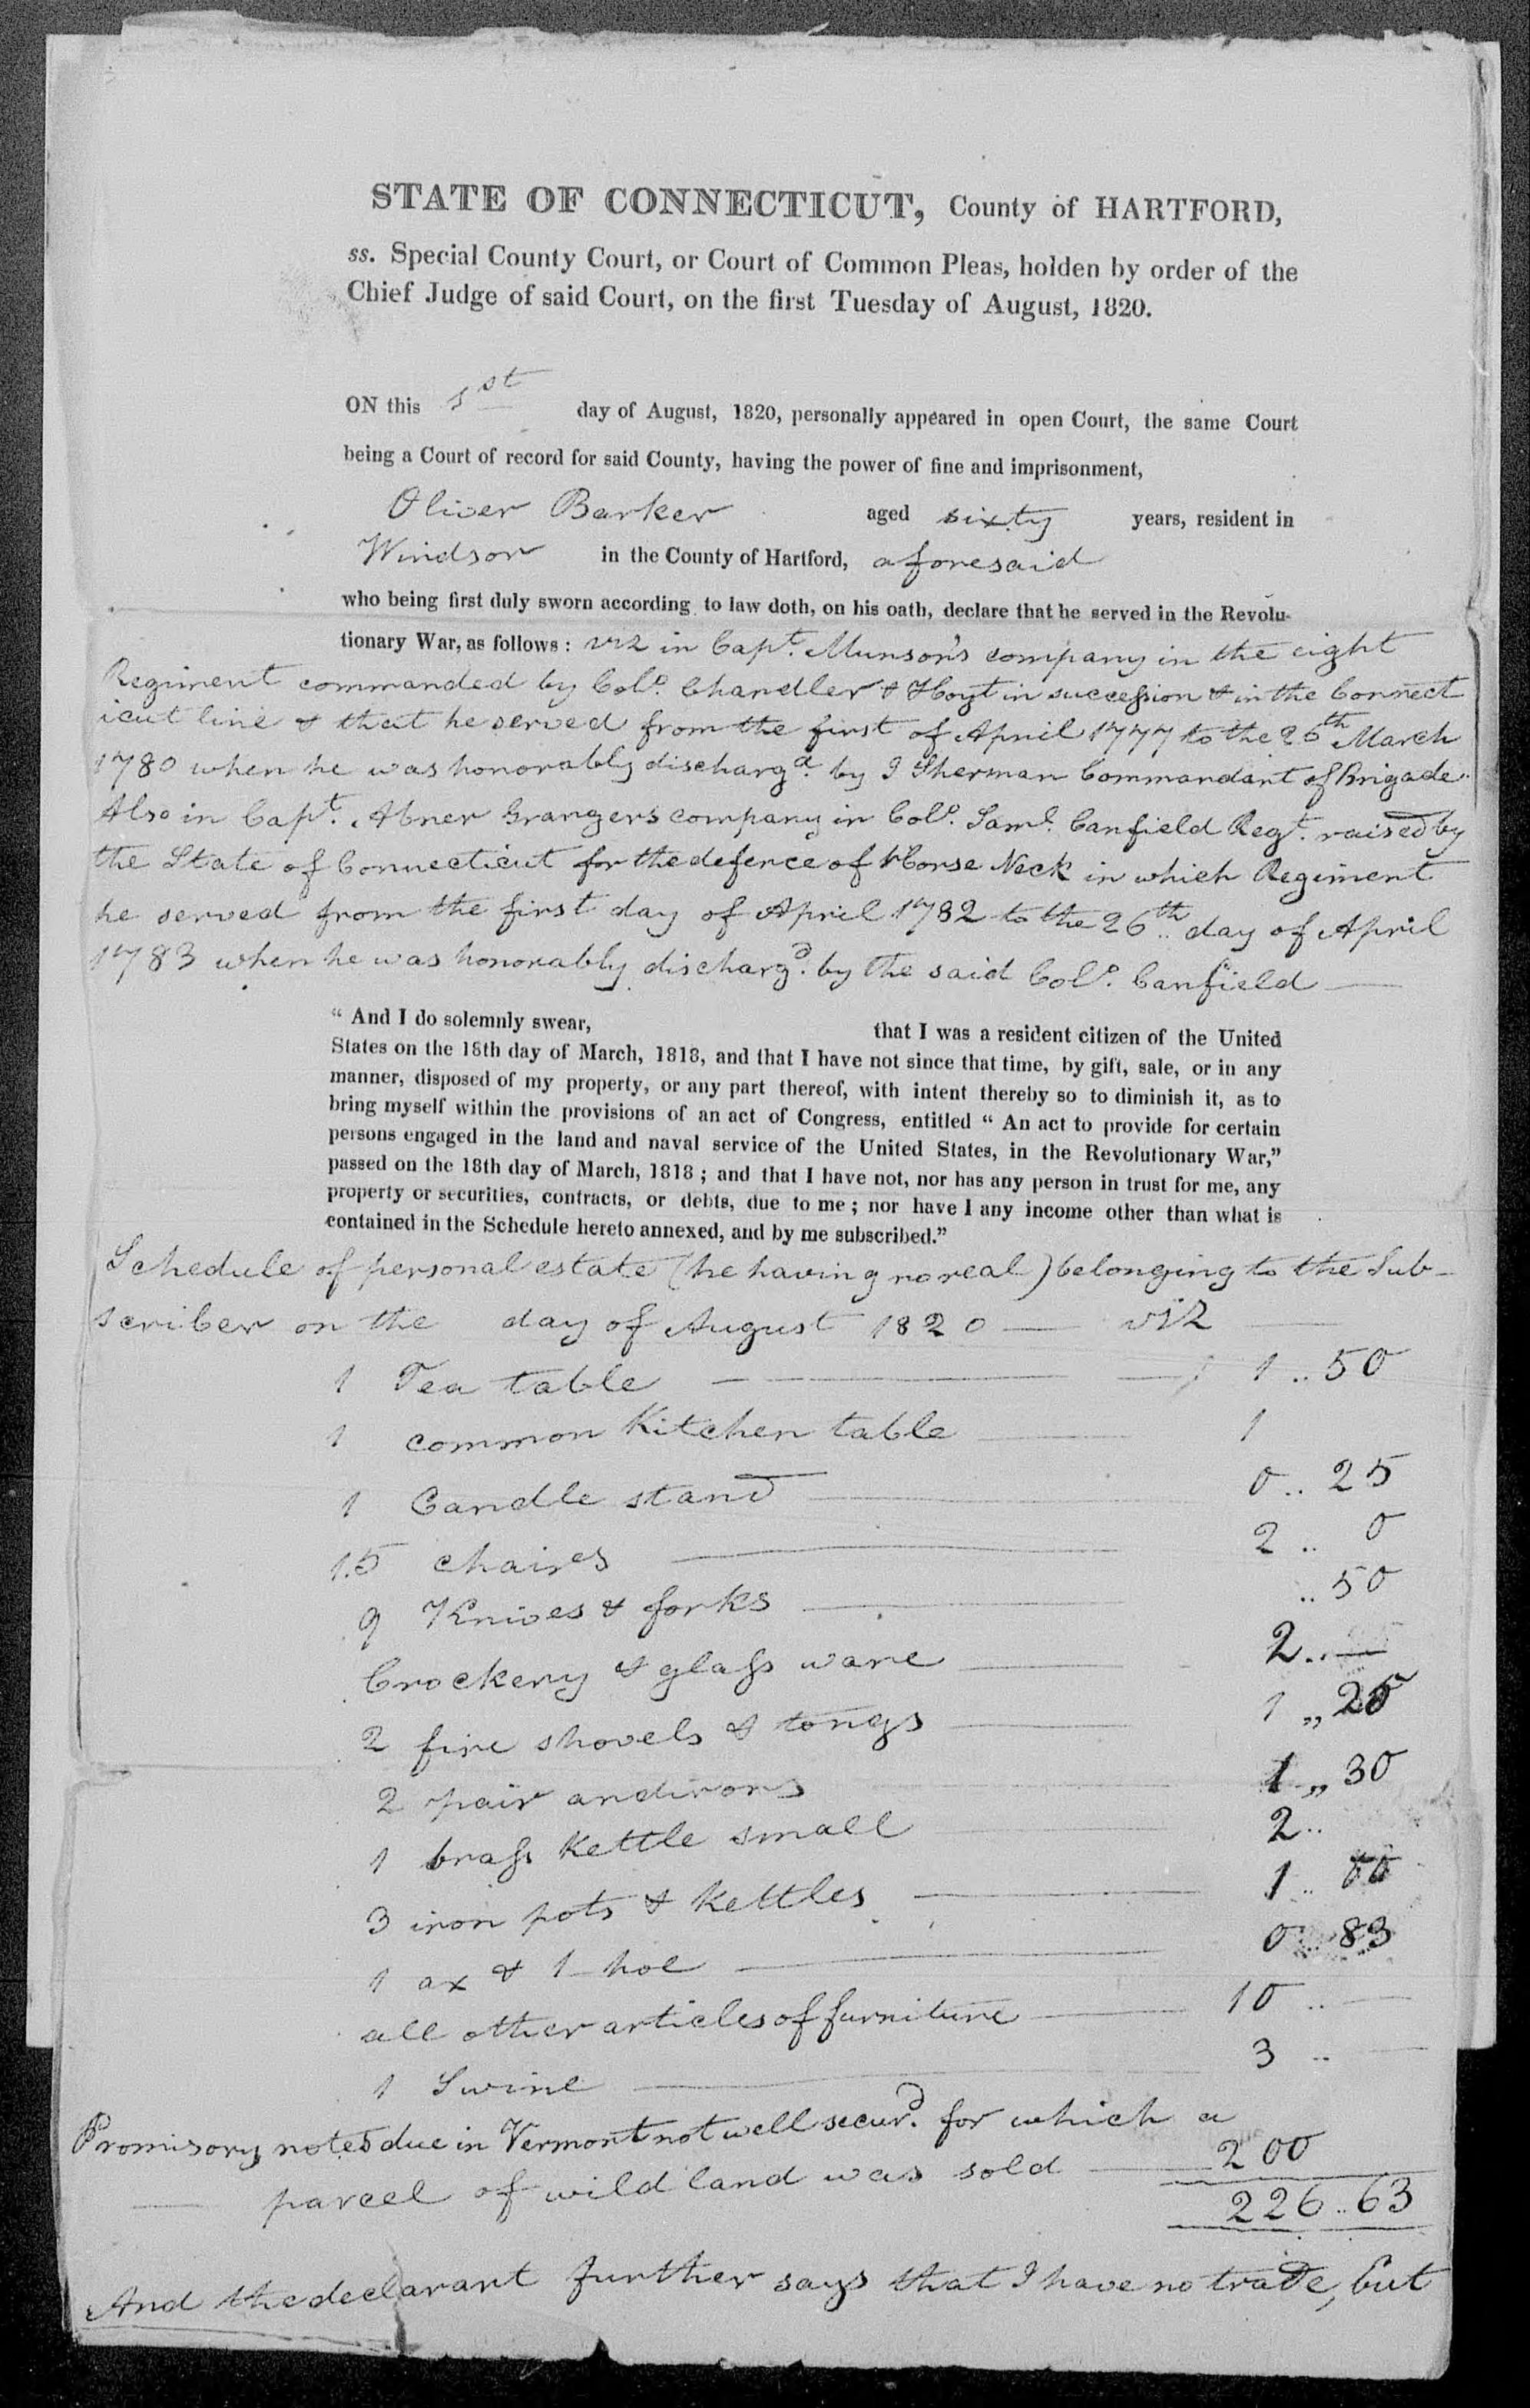STATE OF CONNECTICUT, 
County of HARTFORD, ss. 
Special County Court, or Court of Common Pleas, holden by order of the Chief Judge of said Court, on the first Tuesday of August, 1820. 
On this 1st day of August, 1820, personally appeared in open Court, the same Court being a Court of record for said County, having the power of fine and imprisonment, Oliver Barker aged sixty years, resident in Windsor in the County of Hartford aforesaid who being first duly sworn according to law doth, on his oath, declare that he served in the Revolutionary War, as follows: Viz:   in Capt Munson's company in the eight Regiment commanded by Col. Chandler & Hoyt in succession & in the Connecticut line & that he served from the first of April 1777 to the 26th March 1780 when he was honorably discharged by I Sherman Commandant of Brigade Also in Capt Abner Granger's company in Col Saml Canfield Regt raised by the State of Connecticut for the defence of Horse Neck in which Regiment he served from the first day of April 1782 to the 26th day of April 1783 when he was honorably discharged by the said Col. Canfield 
"And I do solemnly swear, that I was a resident citizen of the United States on the 18th day of March, 1818, and that I have not since that time, by gift, sale, or in any manner, disposed of my property, or any part thereof, with intent thereby so to diminish it, as to bring myself within the provisions of an act of Congress, entitled "An act to provide for certain persons engaged in the land and naval service of the United States, in the Revolutionary War”, passed on the 18th day of March, 1818; and that I have not, nor has any person in trust for me, any property or securities, contracts, or debts, due to me; nor have I any income other than what is contained in the Schedule hereto annexed, and by me subscribed." 
Schedule of personal estate (he having no real) belonging to the subscriber on the 1st day of August 1820 – viz- 
1 Tea table -                  1.50 
common Kitchen table  1- 
1 Candle stand               0.25 
15 chairs                        2- 
9 knives & forks            0.50 
Crockery & glass ware        2. – 
2 fire shovel & tongs           1.25
2 pair andirons                     1.30
1 brass Kettle small              2.-
3 iron pots & kettles             1.00
1 ax 1 hoe -                           0.83
all other articles of furniture 10- 
1 Swine-                             - 3-
Promissory notes due in Vermont not well secured for which a parcel of wild land was sold 200 
226.63  
And the declarant further says that I have no trade, but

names: Chandler, Canfield, Sherman, Hoyt, Oliver Barker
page: 16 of 51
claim: widow's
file: W. 1698, Oliver Barker, Conn.